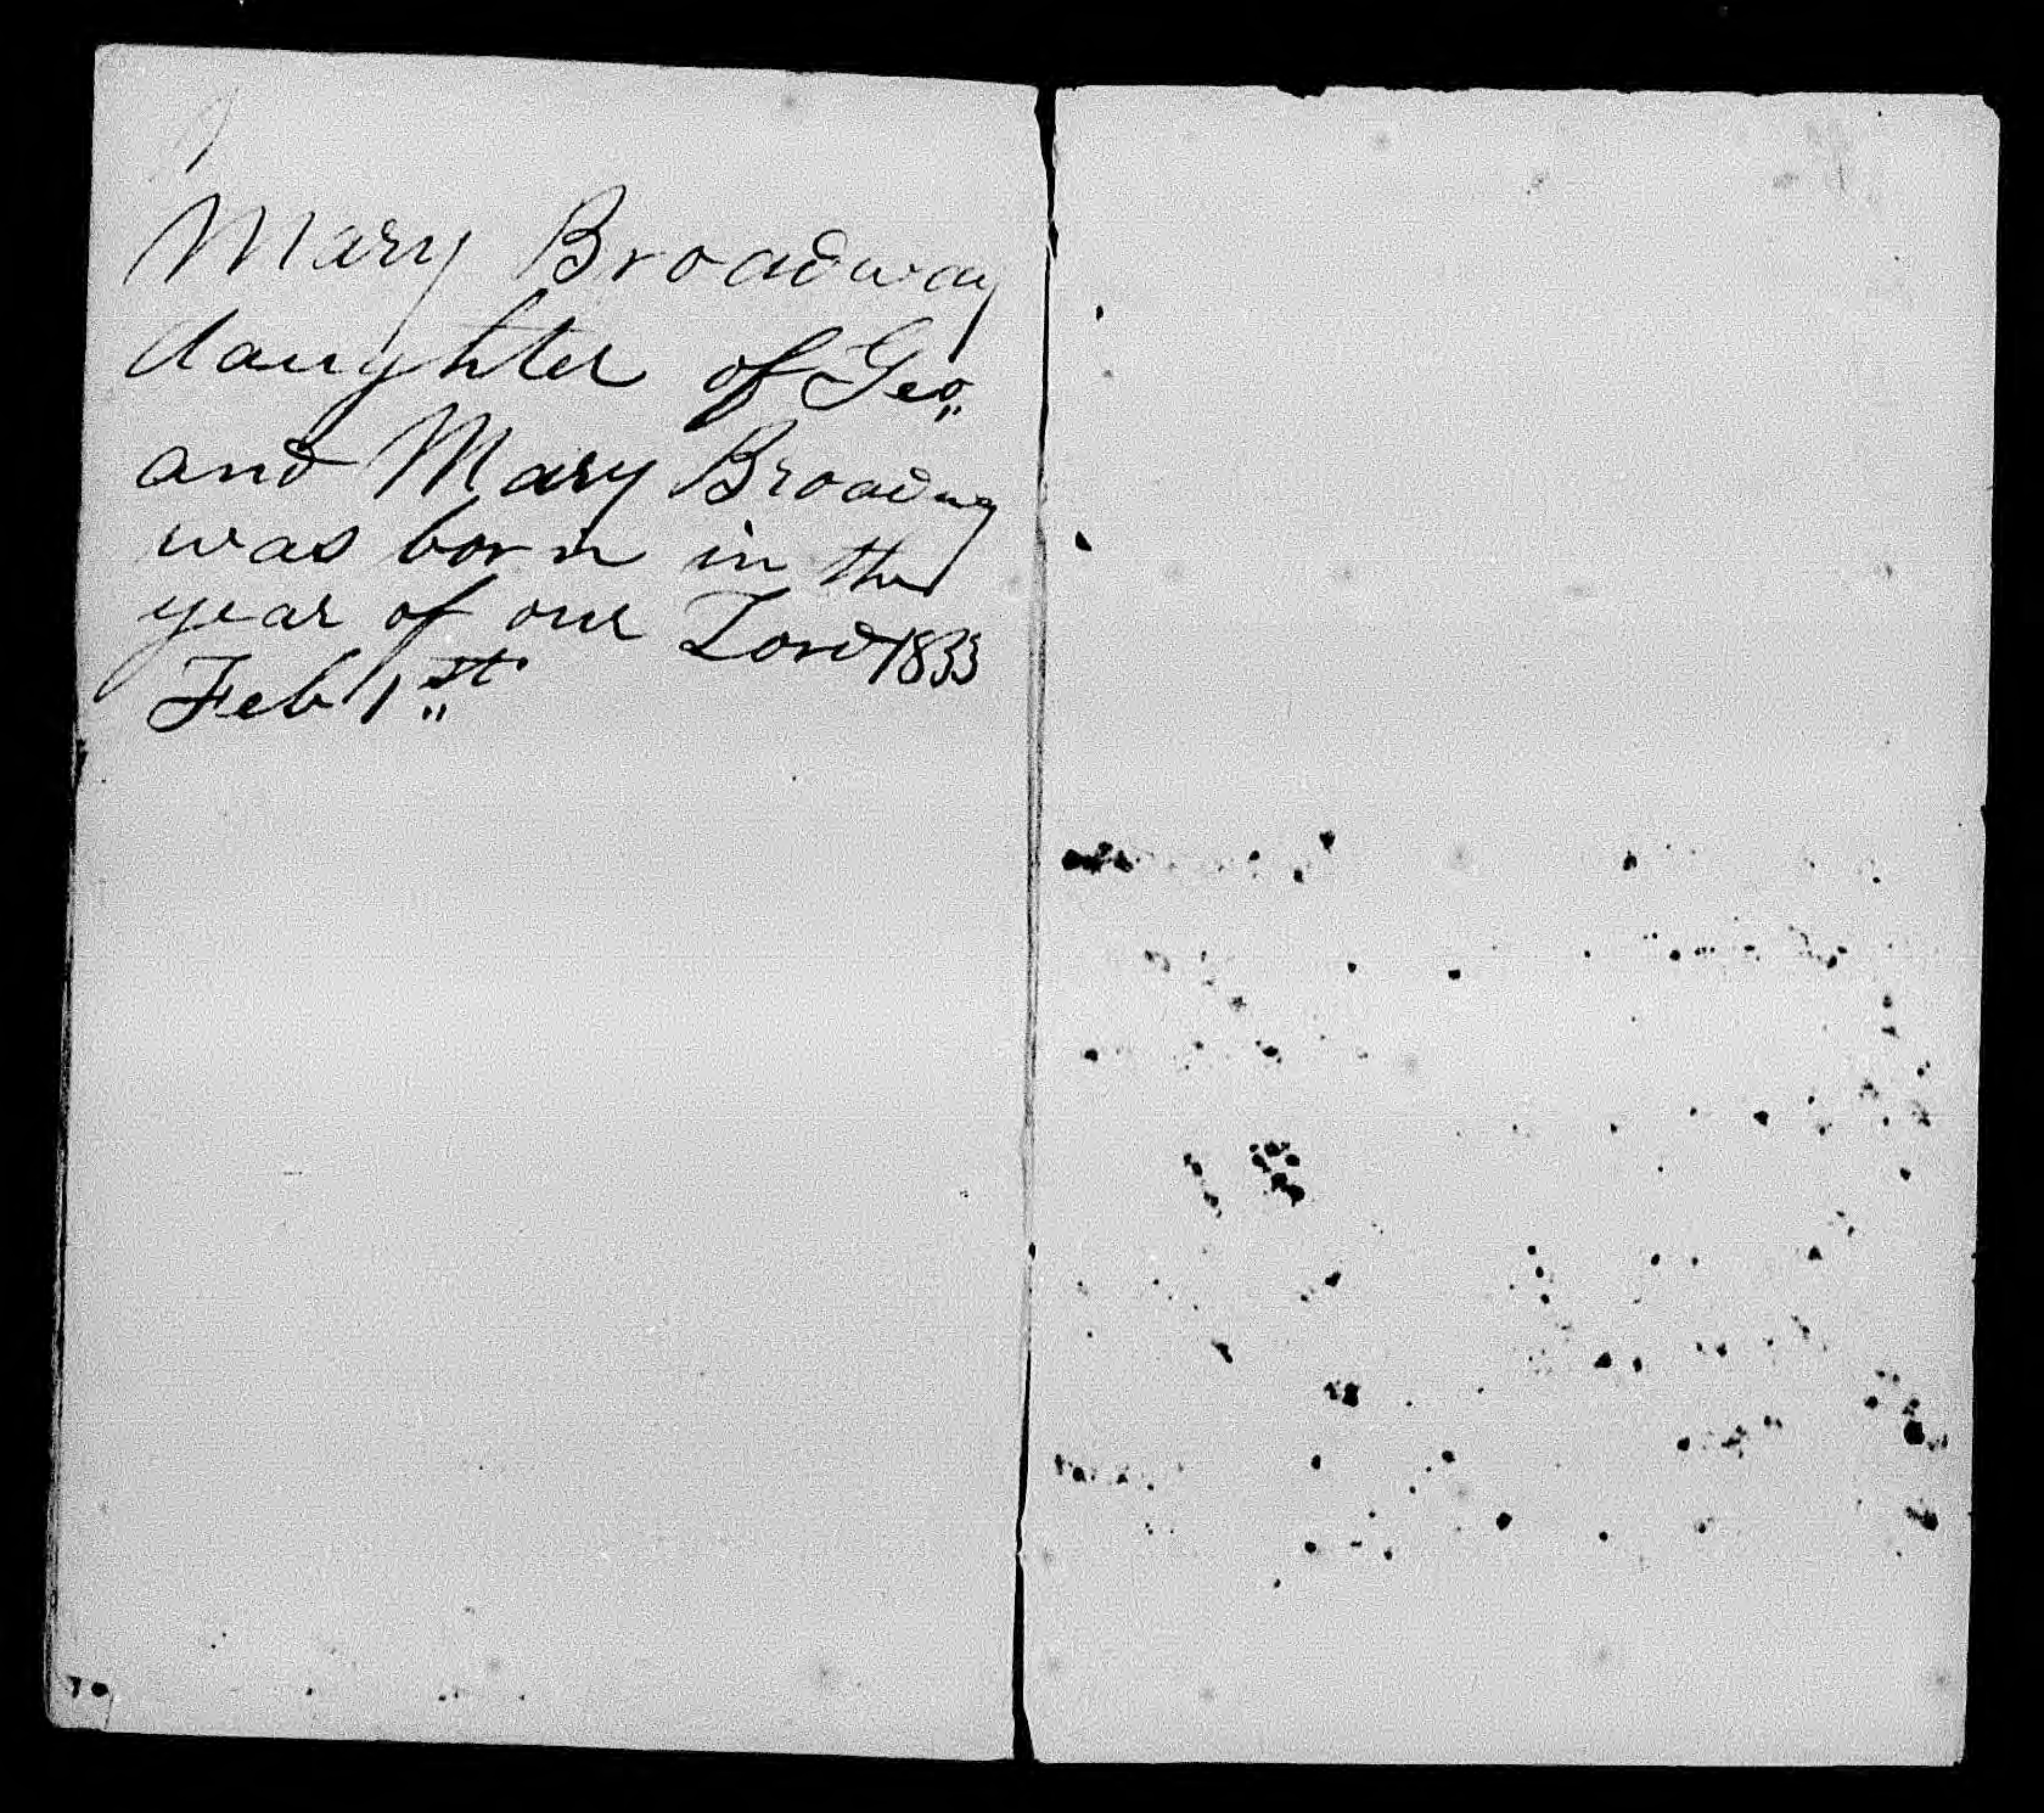Mary Broadway daughter of Geo and Mary Broadway was born in the year of our Lord 1833 Feb 1st.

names: Mary Broadway, Mary Broadway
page: 73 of 98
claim: widow's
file: W. 8398, William Broadway, S.C.